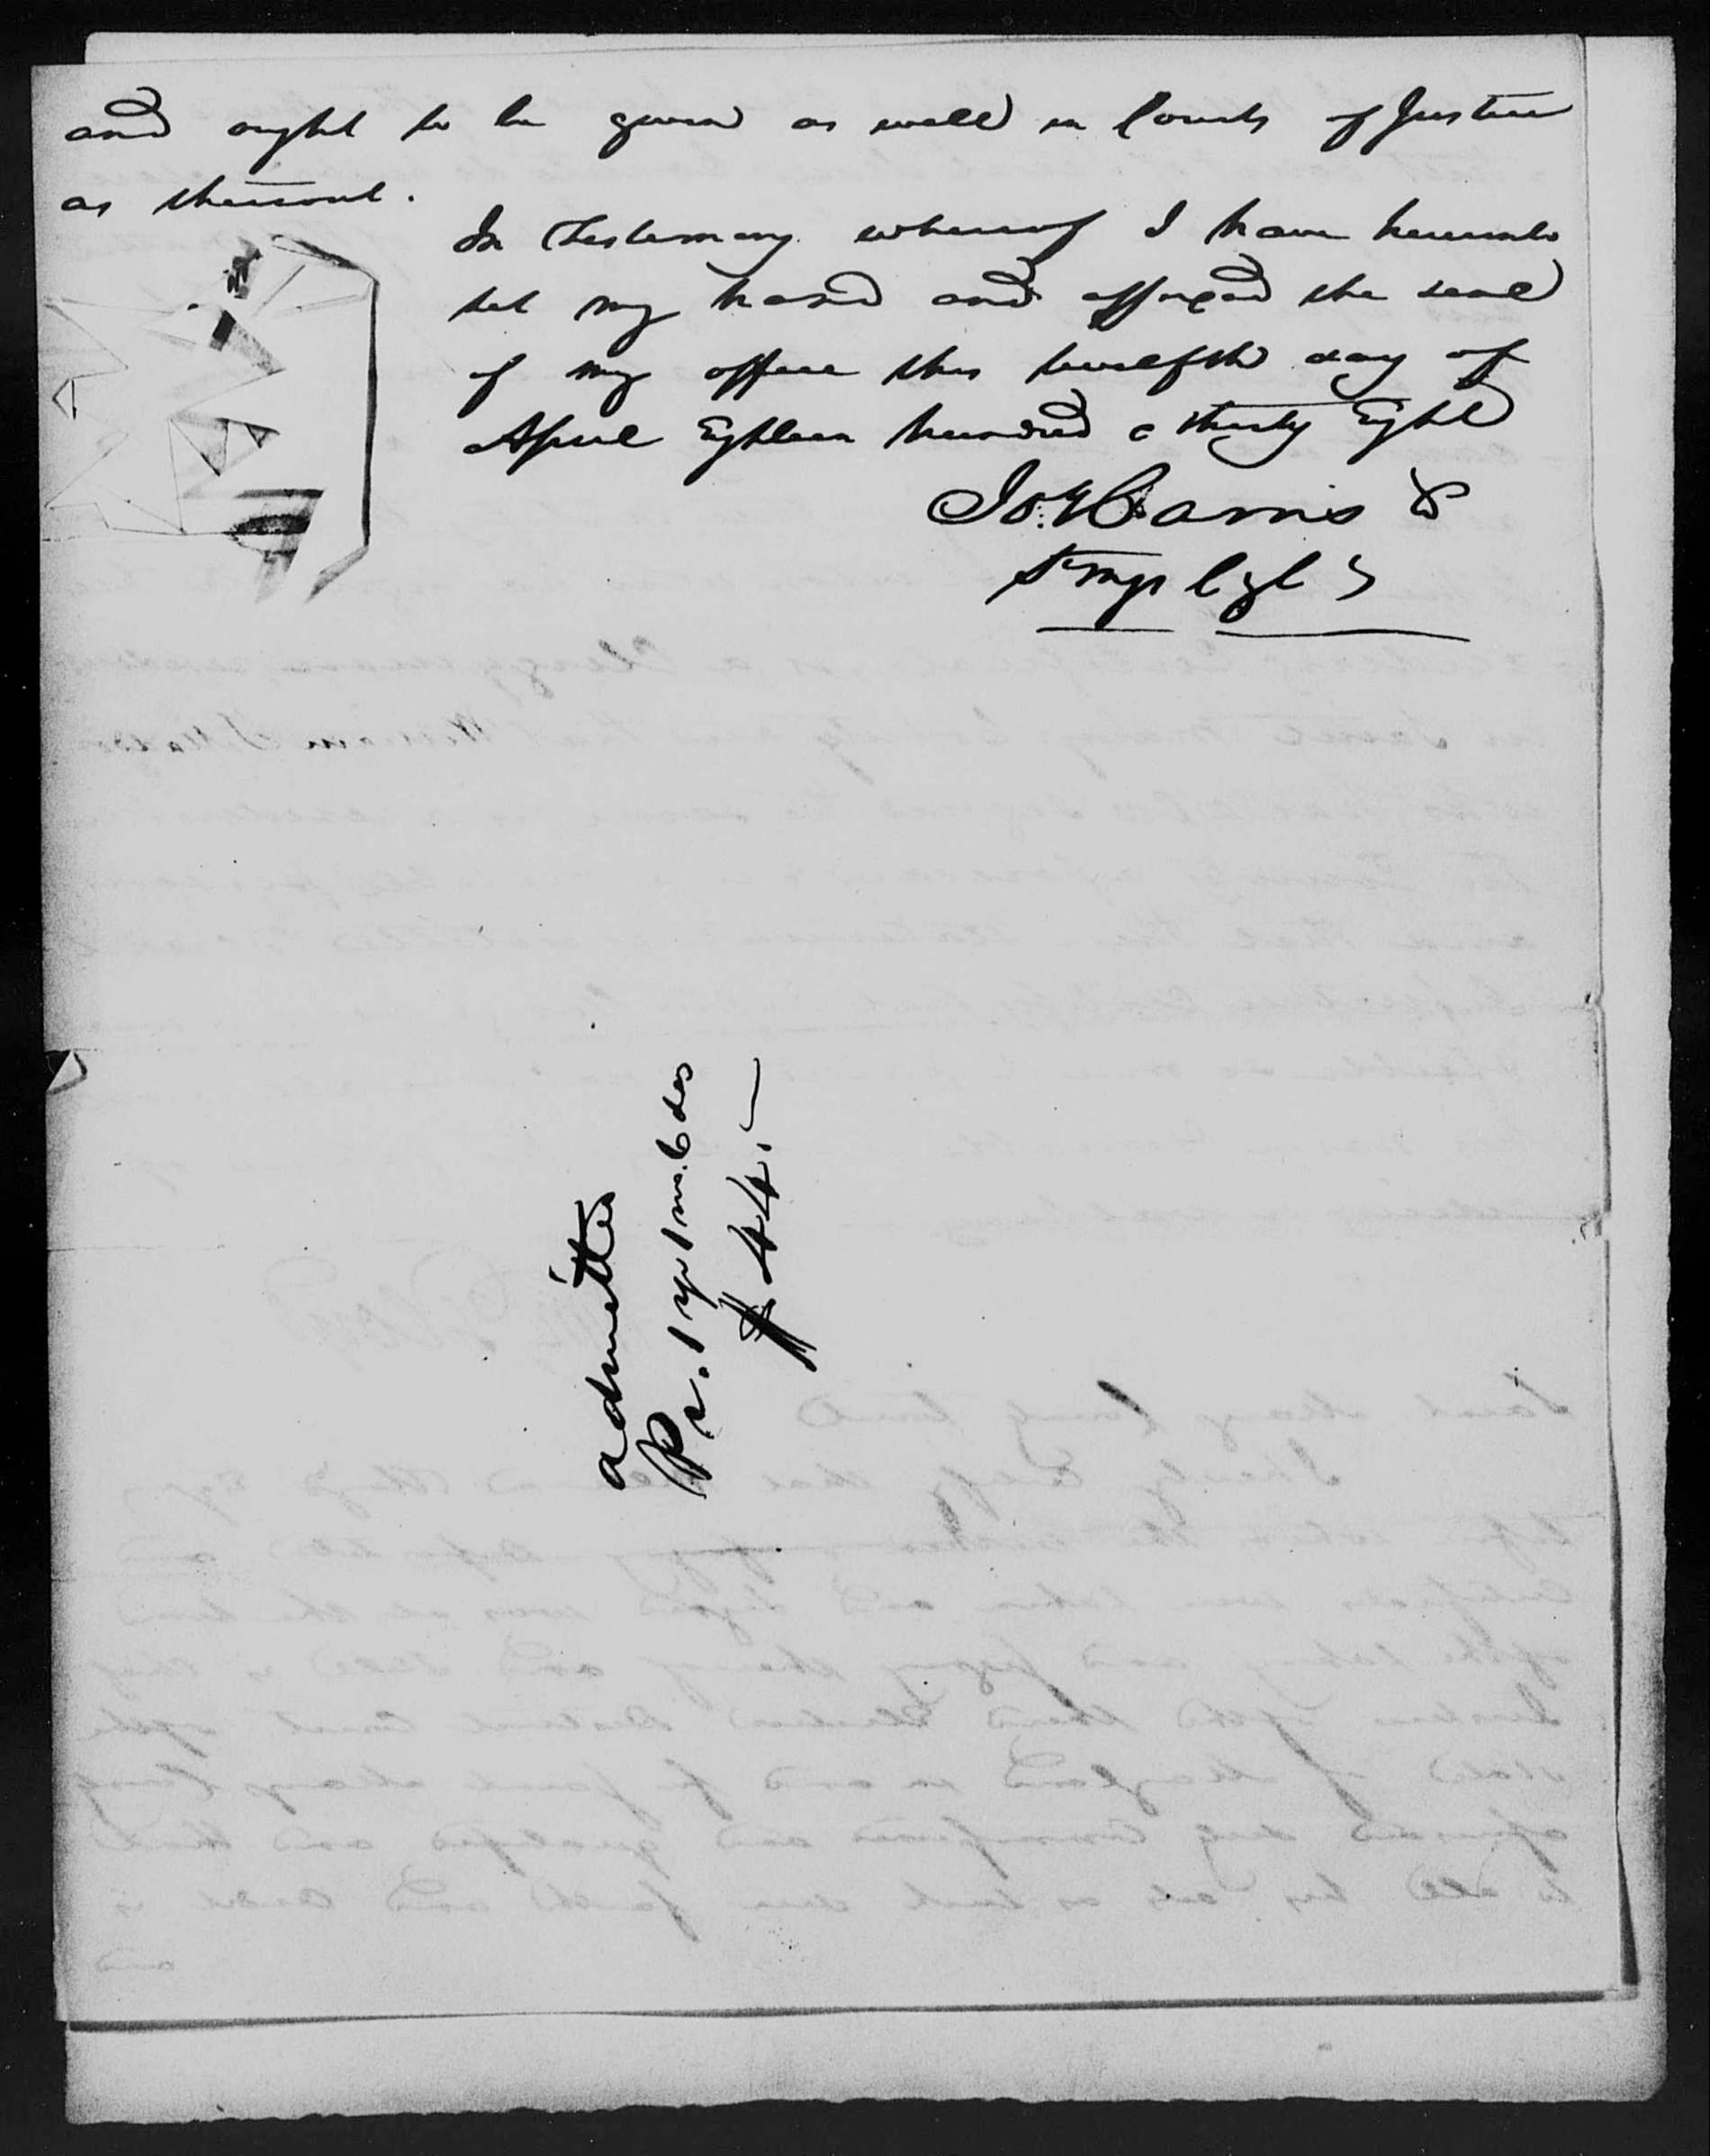and ought to be given as well in Courts of Justice as thereout.
[bent seal affixed] In testimony whereof I have hereunto set my hand and affixed the seal of my office this twelfth day of April Eighteen hundred & thirty eight. 
[signature] Js Harris
StMysCy [illegible]

[sideways] admitted
Pr. 1 yr 1 mo 6 ds
$44.-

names: Jo Harris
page: 6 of 49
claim: survivor's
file: S. 12755, George Dent, Md.